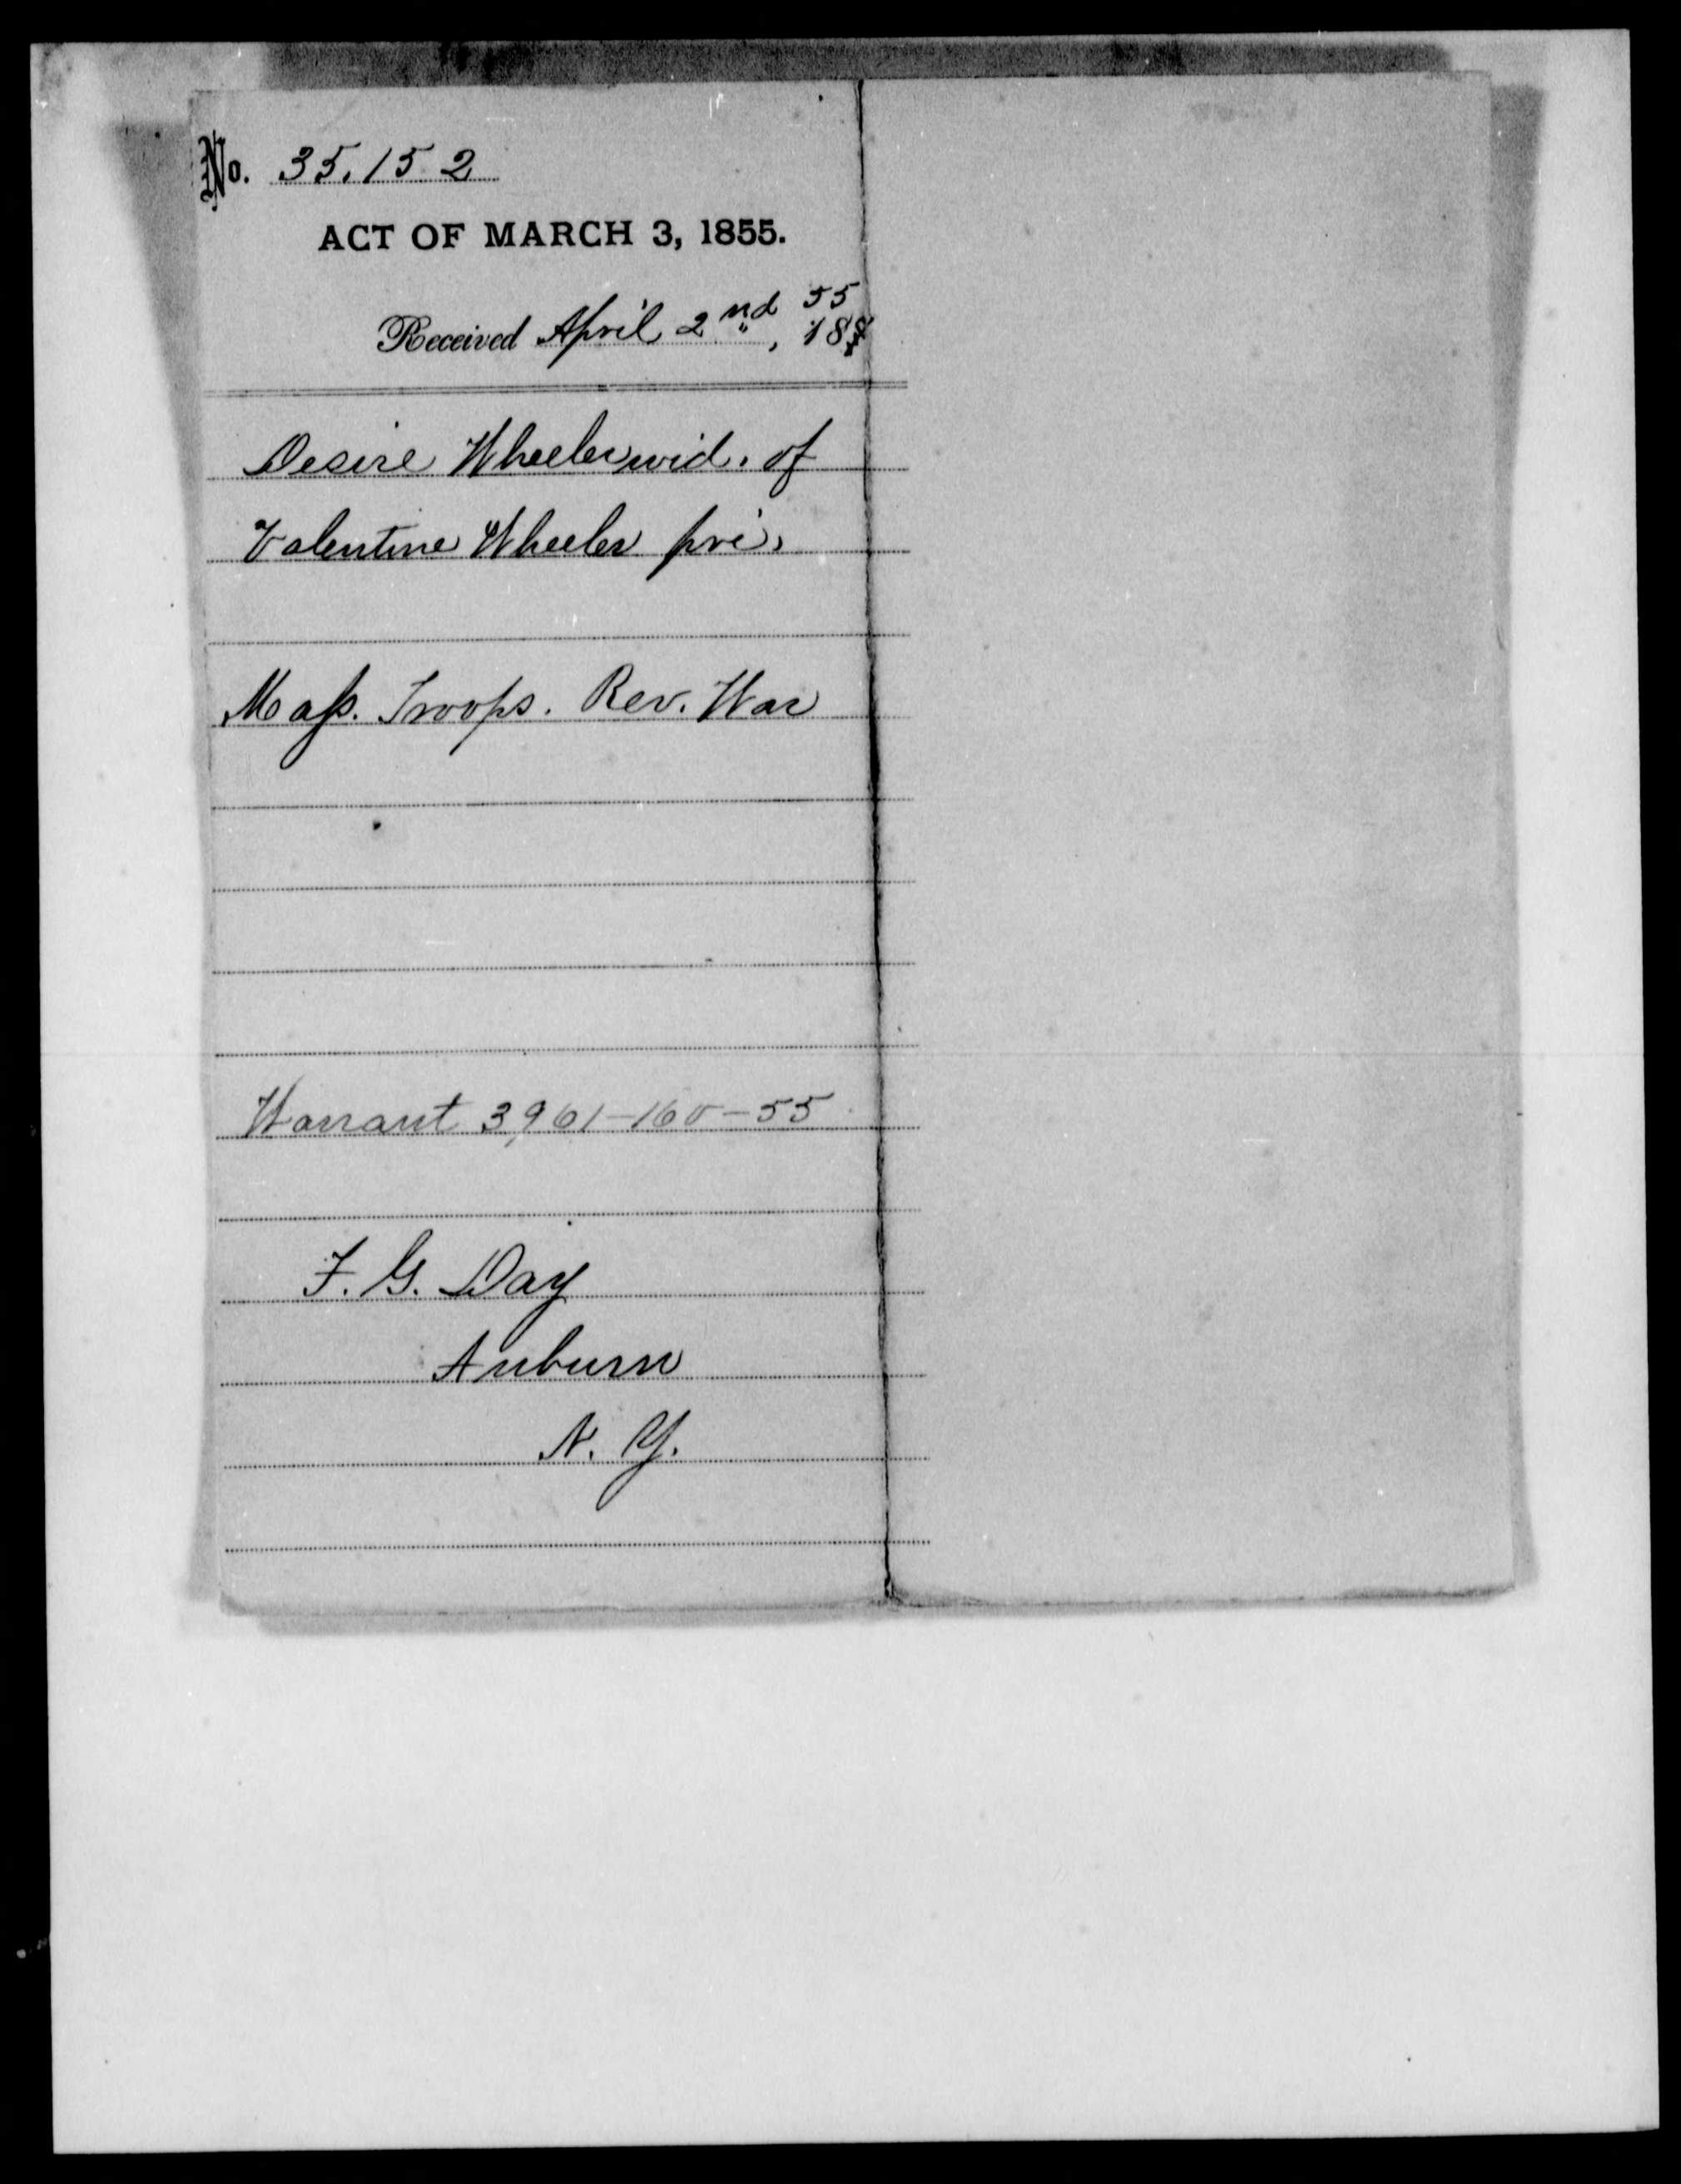No. 35,152
ACT OF MARCH 3, 1855
Received April 2nd 1855

Desire Wheeler wid. of Valentine Wheeler, Pri.
Mass. Troops Rev. War

Warrant 3961-160-55
F. G. Day
Auburn N. Y.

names: Valentine Wheeler, F G Day, Desire Wheeler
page: 60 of 98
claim: widow's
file: W. 1682, Valentine Wheeler, Mass.